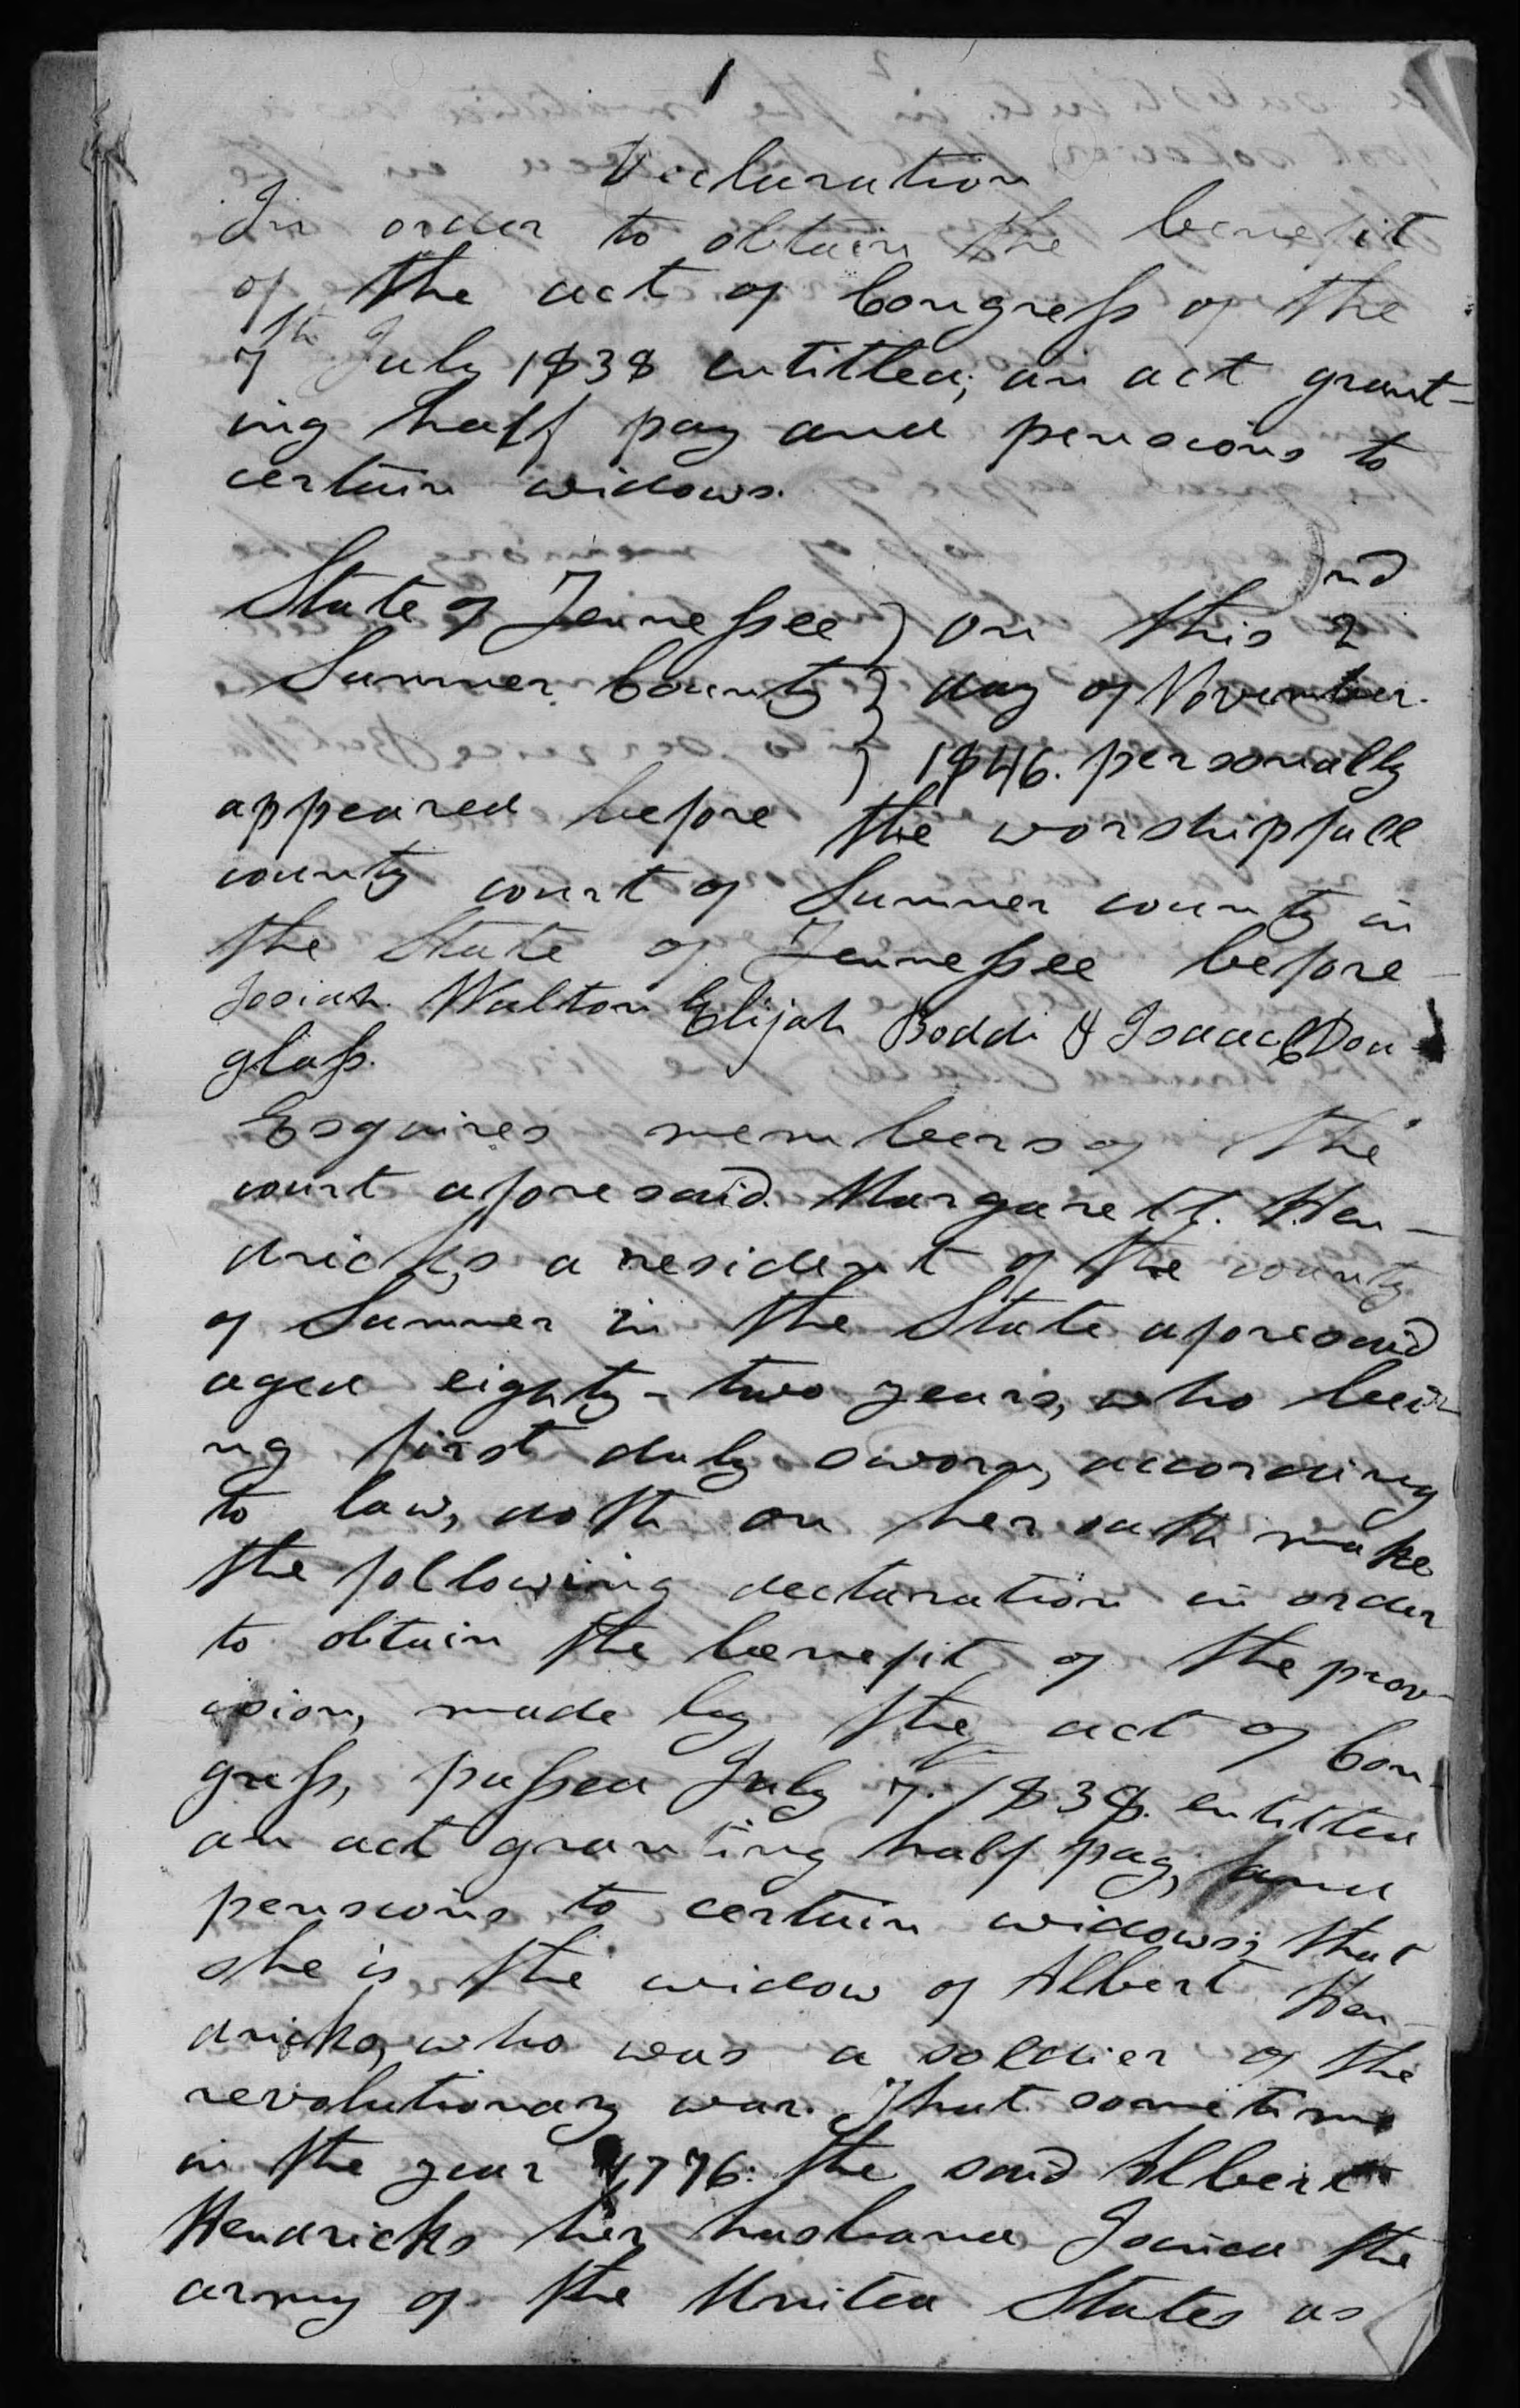Declaration 

In order to obtain the benefit 
of the act of Congress on the 
7th July 1838 entitled; an act grant
ing half pay and pensions to 
certain widows.

[Circular seal of National Archives]
THE NATIONAL ARCHIVES OF THE UNITED STATES

State of Tennessee } On this 2nd 
Sumner County } day of November 
} 1846, personally 
appeared before the worshipful 
County Court of Sumner County in 
the State of Tennessee before 
Josiah Walton Elijah Boddi & Isaac C Dou
glas
Esquires men being of the 
Court aforesaid, Margaret Hen
dricks a resident of the County 
of Sumner in the State aforesaid 
aged eighty two years, who be
ing first duly sworn according 
to law, doth on her oath make 
the following declaration in order 
to obtain the benefit of the prov
vision made by the act of Con
gress, passed July 7 1838 entitled 
an act granting half pay and 
pensions to certain widows; that 
she is the widow of Albert Hen
dricks, who was a soldier of the 
revolutionary war.  That sometime 
in the year 1776 the said Albert 
Hendricks her husband joined the 
army of the United States as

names: Isaac C Douglass, Albert Hendricks, Albert Hendricks, Josiah Walton, Elijah Boddi, Margarett Hendricks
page: 23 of 76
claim: widow's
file: W. 83, Albert Hendricks, Continental Md. N.C.